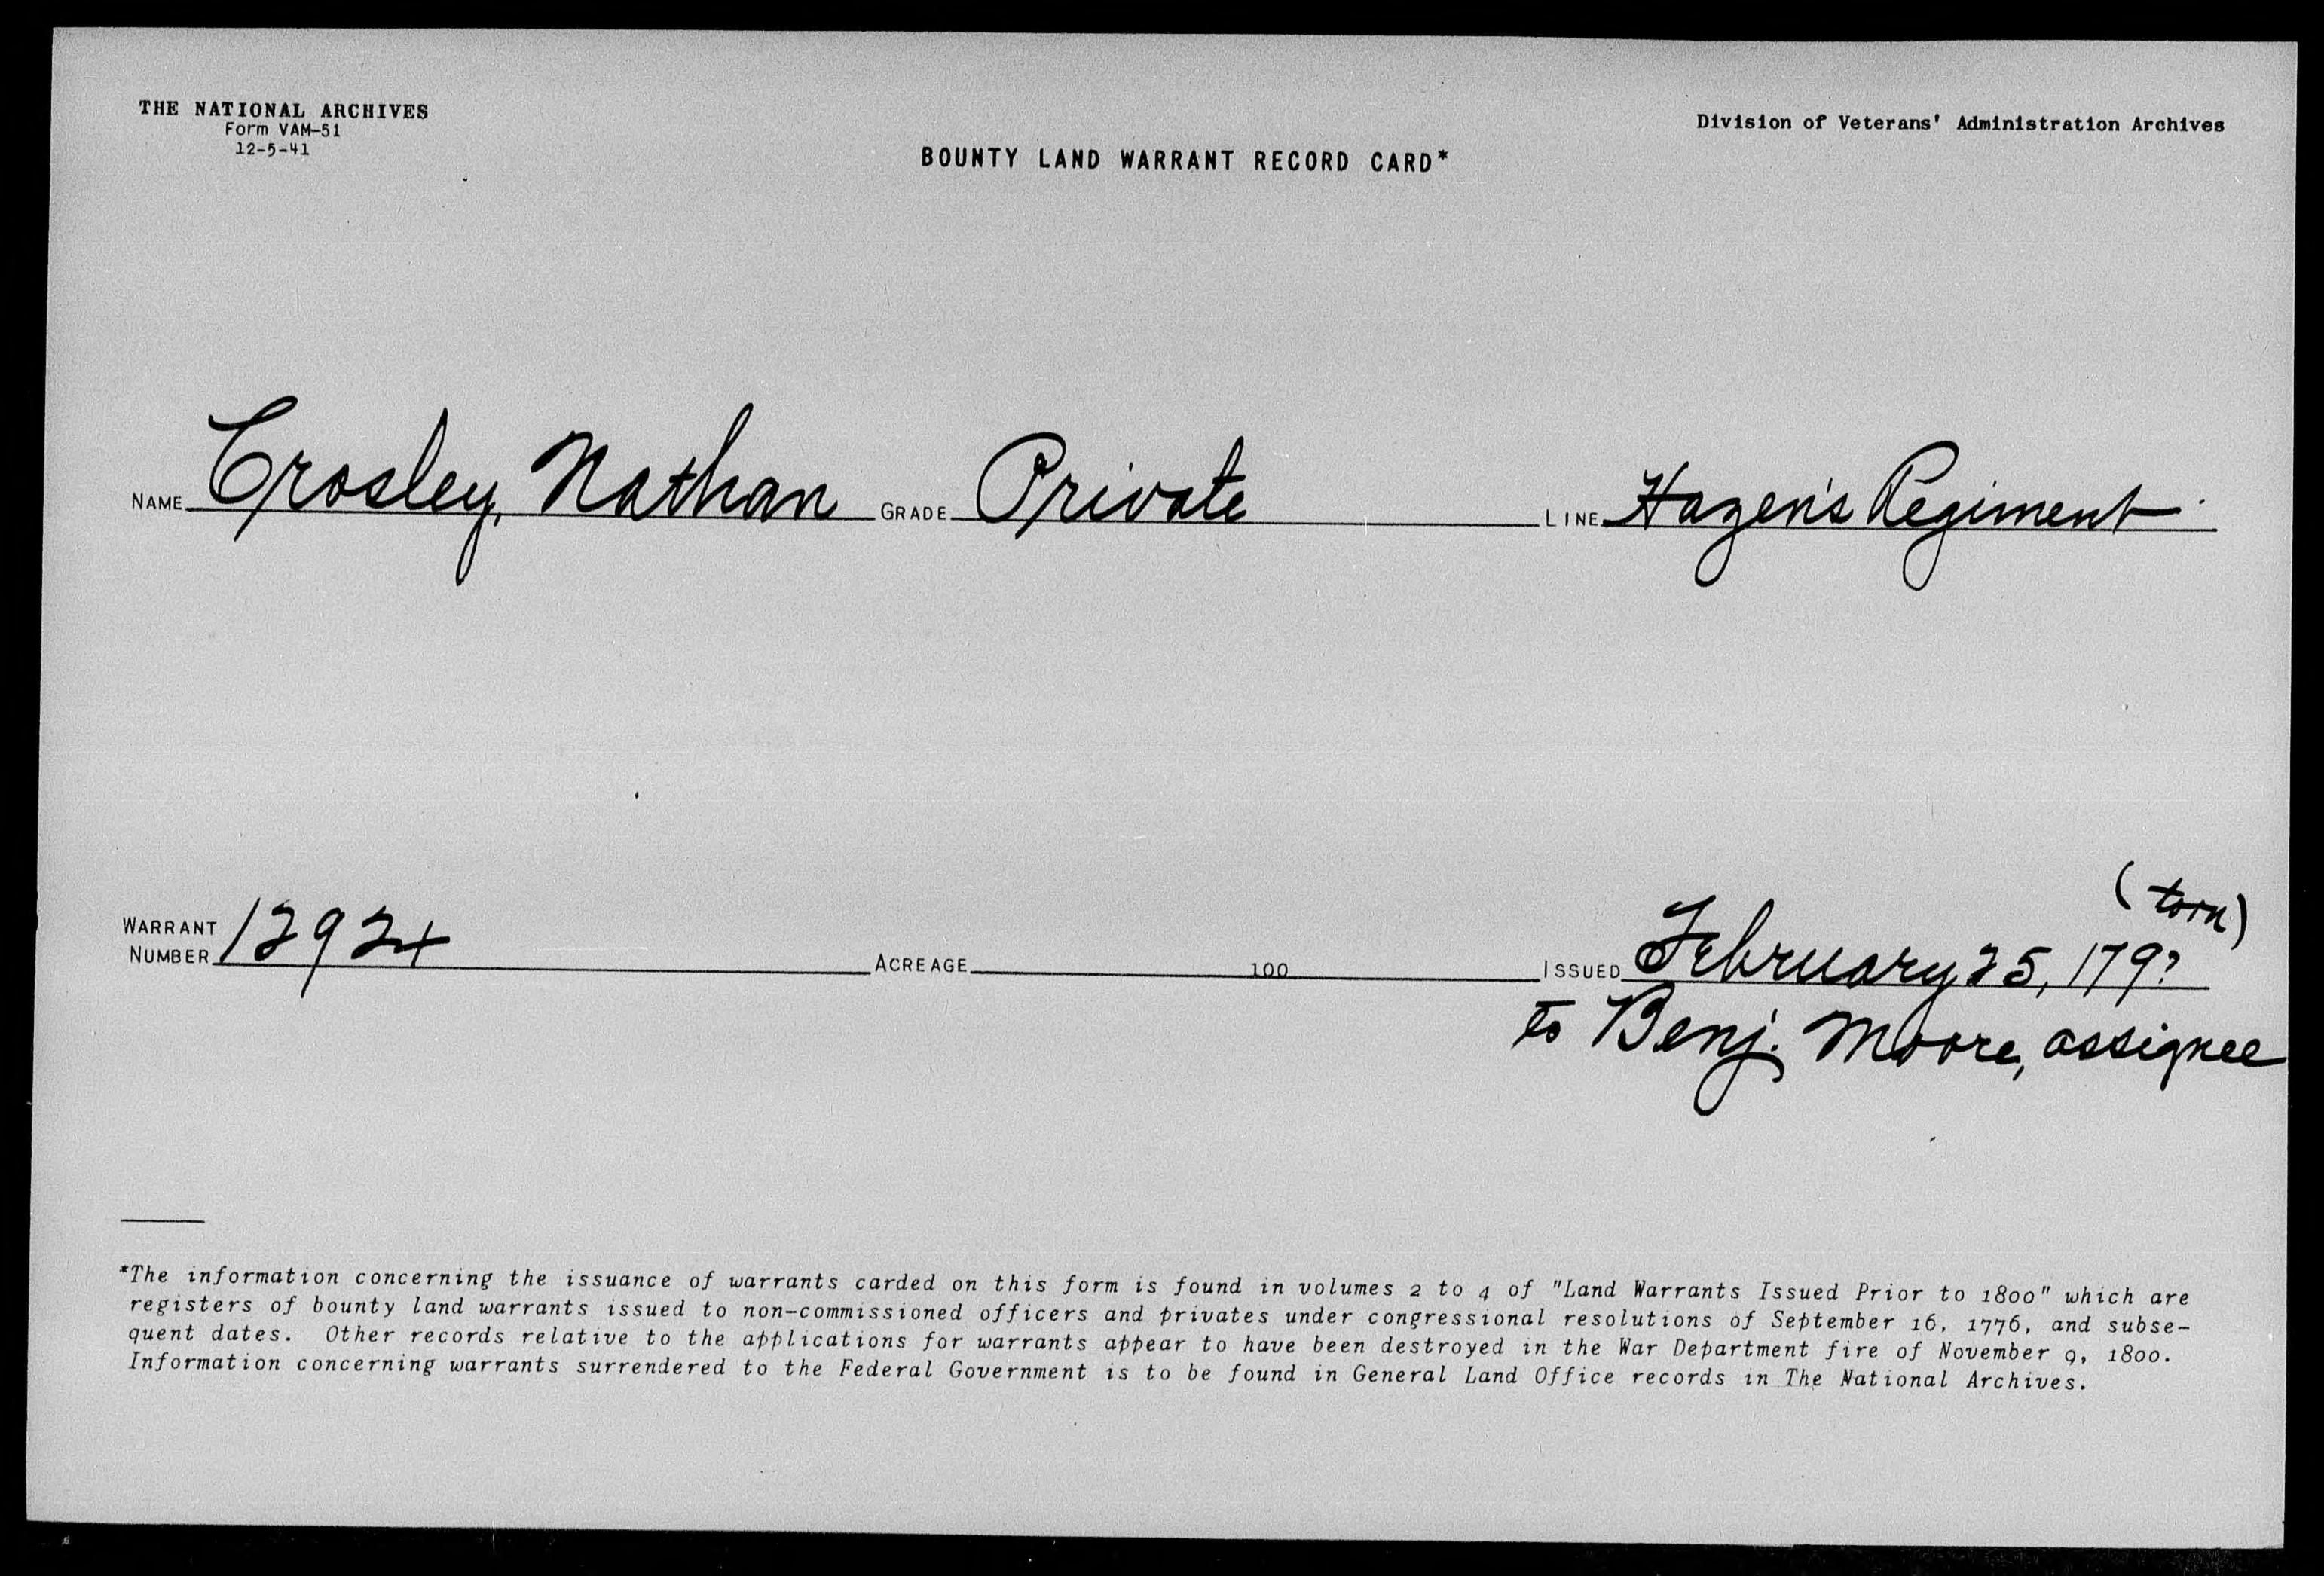The National Archives

Bounty Land Warrant Record Card

Division of Veterans' Administration Archives

Name: Crosley, Nathan
Grade: Private
Line: Hazen's Regiment
Warrant Number: 12924
Acreage: 100
Issued: February 25, 179? (torn)
to Benj Moore, assignee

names: Nathan Crosley, Benj Moore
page: 37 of 37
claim: rejected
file: R. 2516, Moses Crosley, Md.